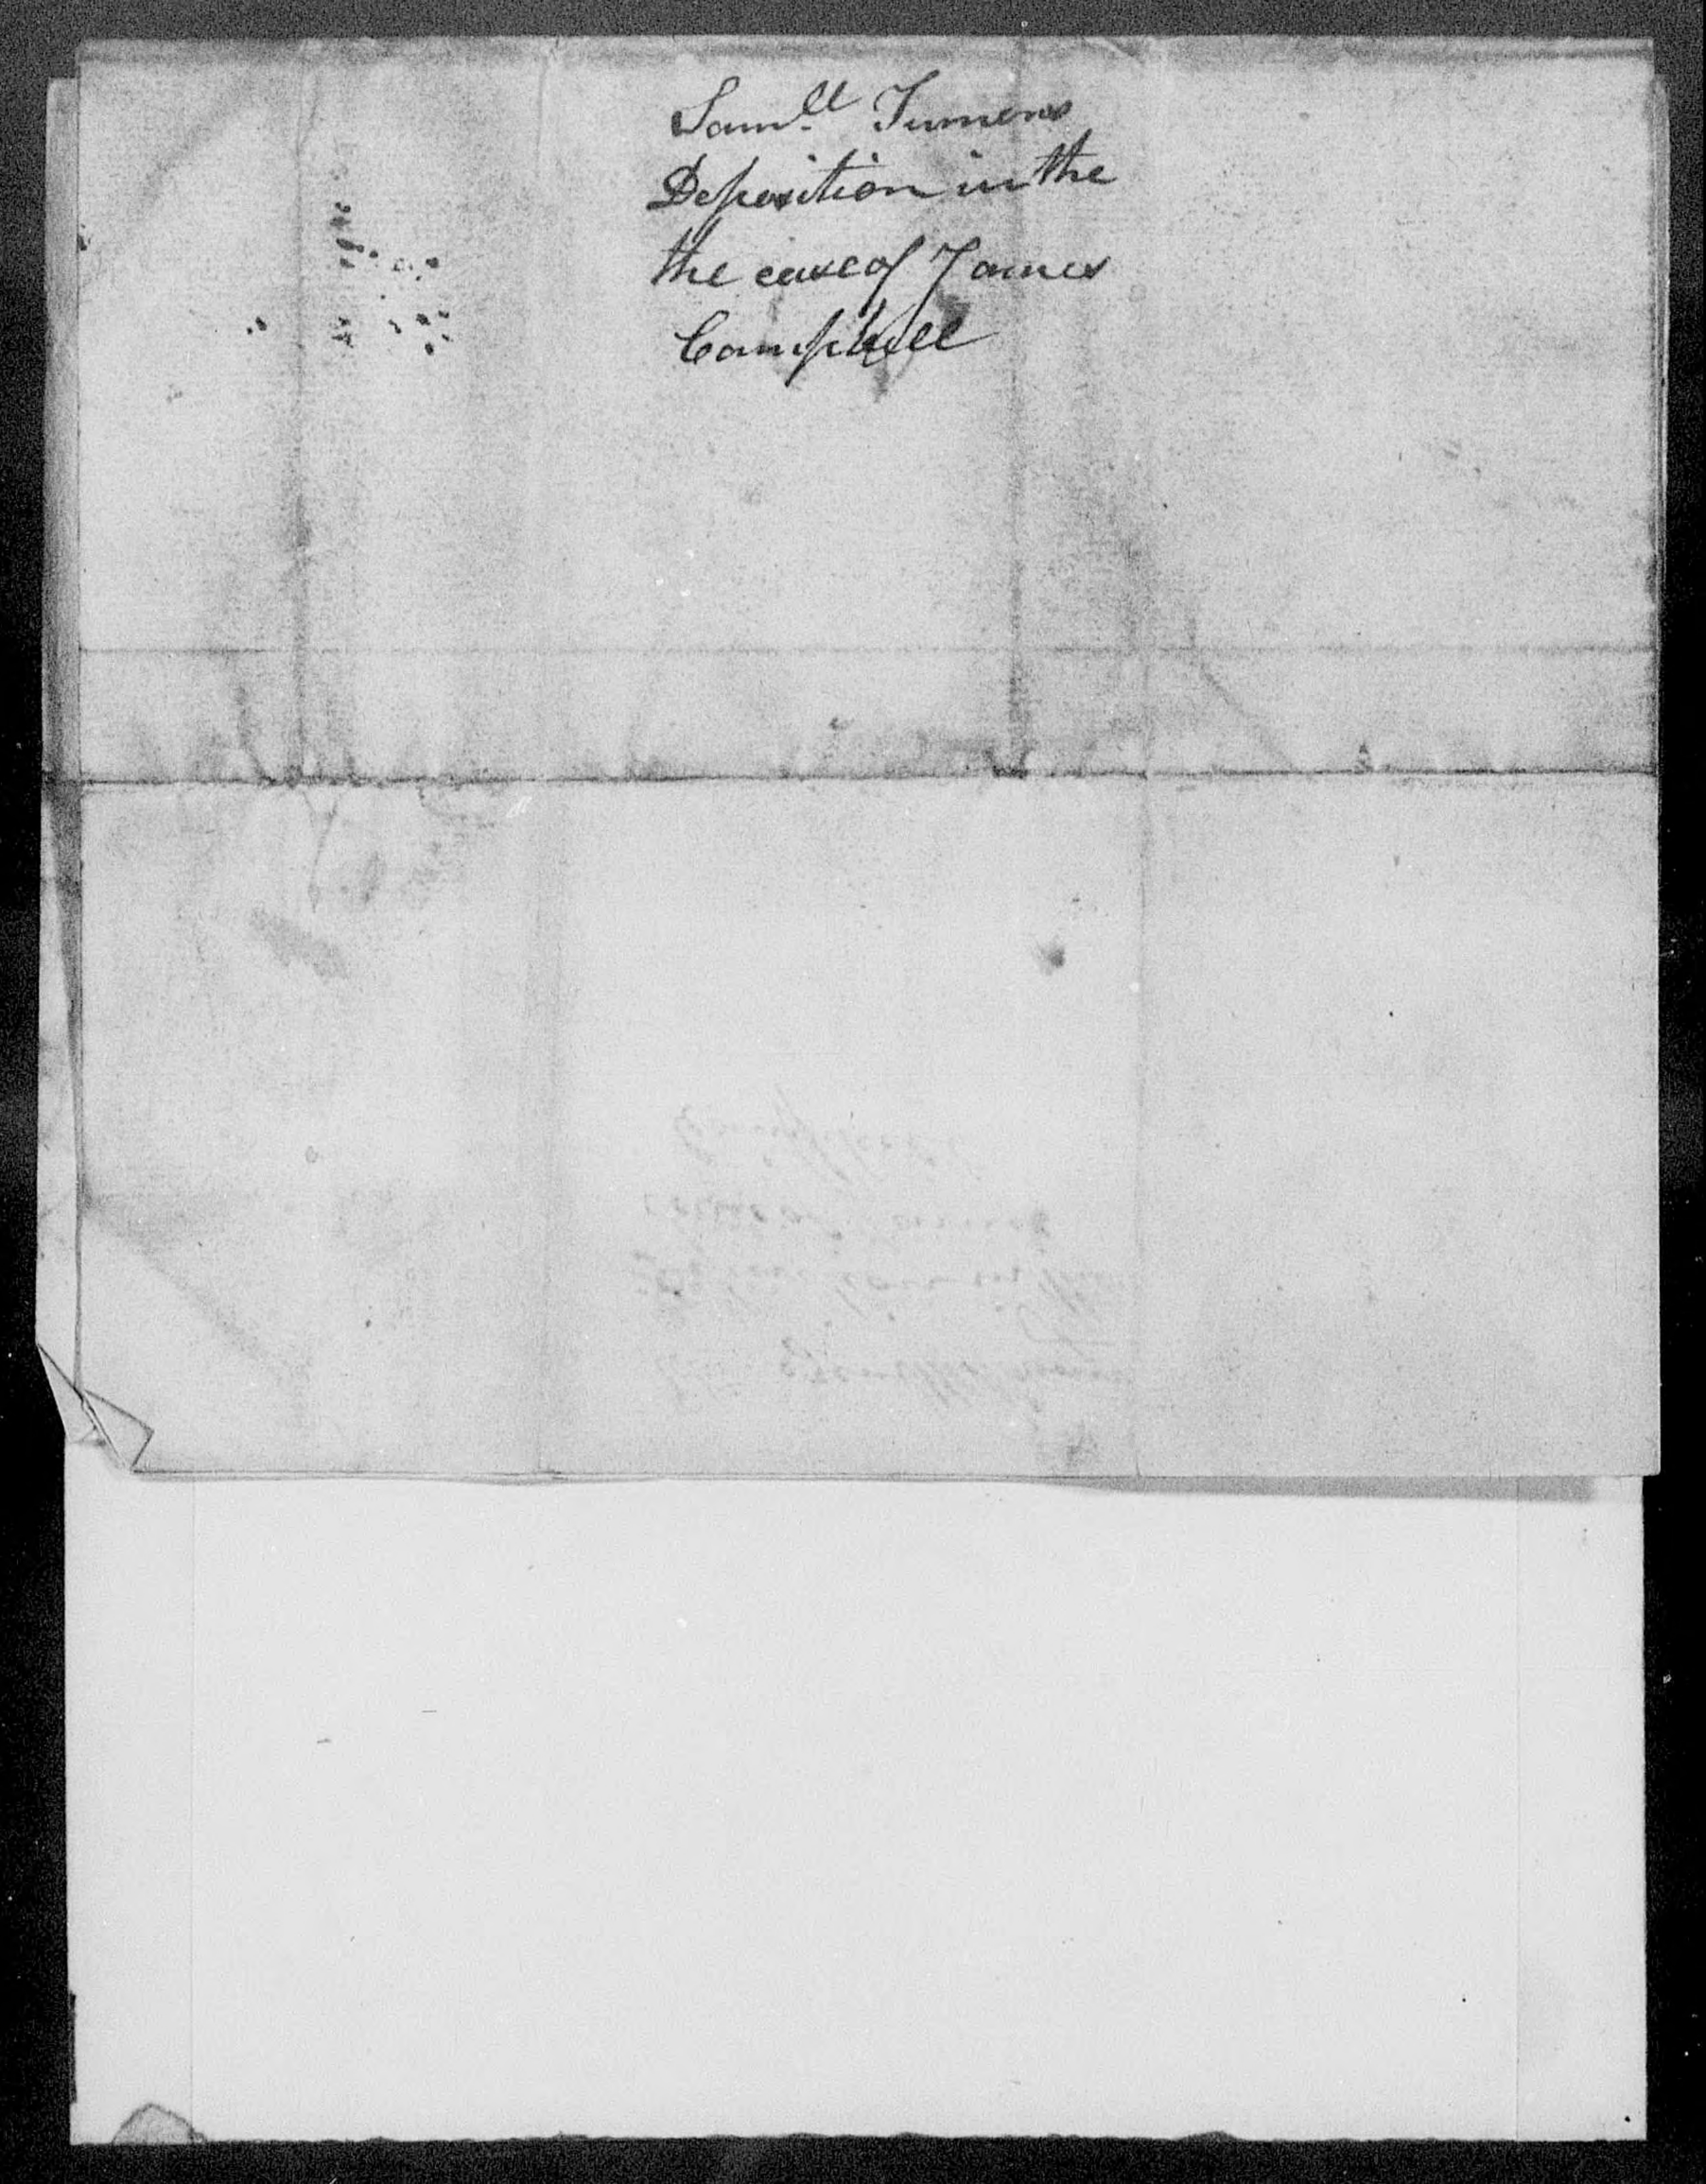Saml. Turners
Deposition in the
the case of James
Campbell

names: Samel Turner, James Campbell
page: 58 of 67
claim: widow's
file: W. 23772, James Campbell, Continental Mass.